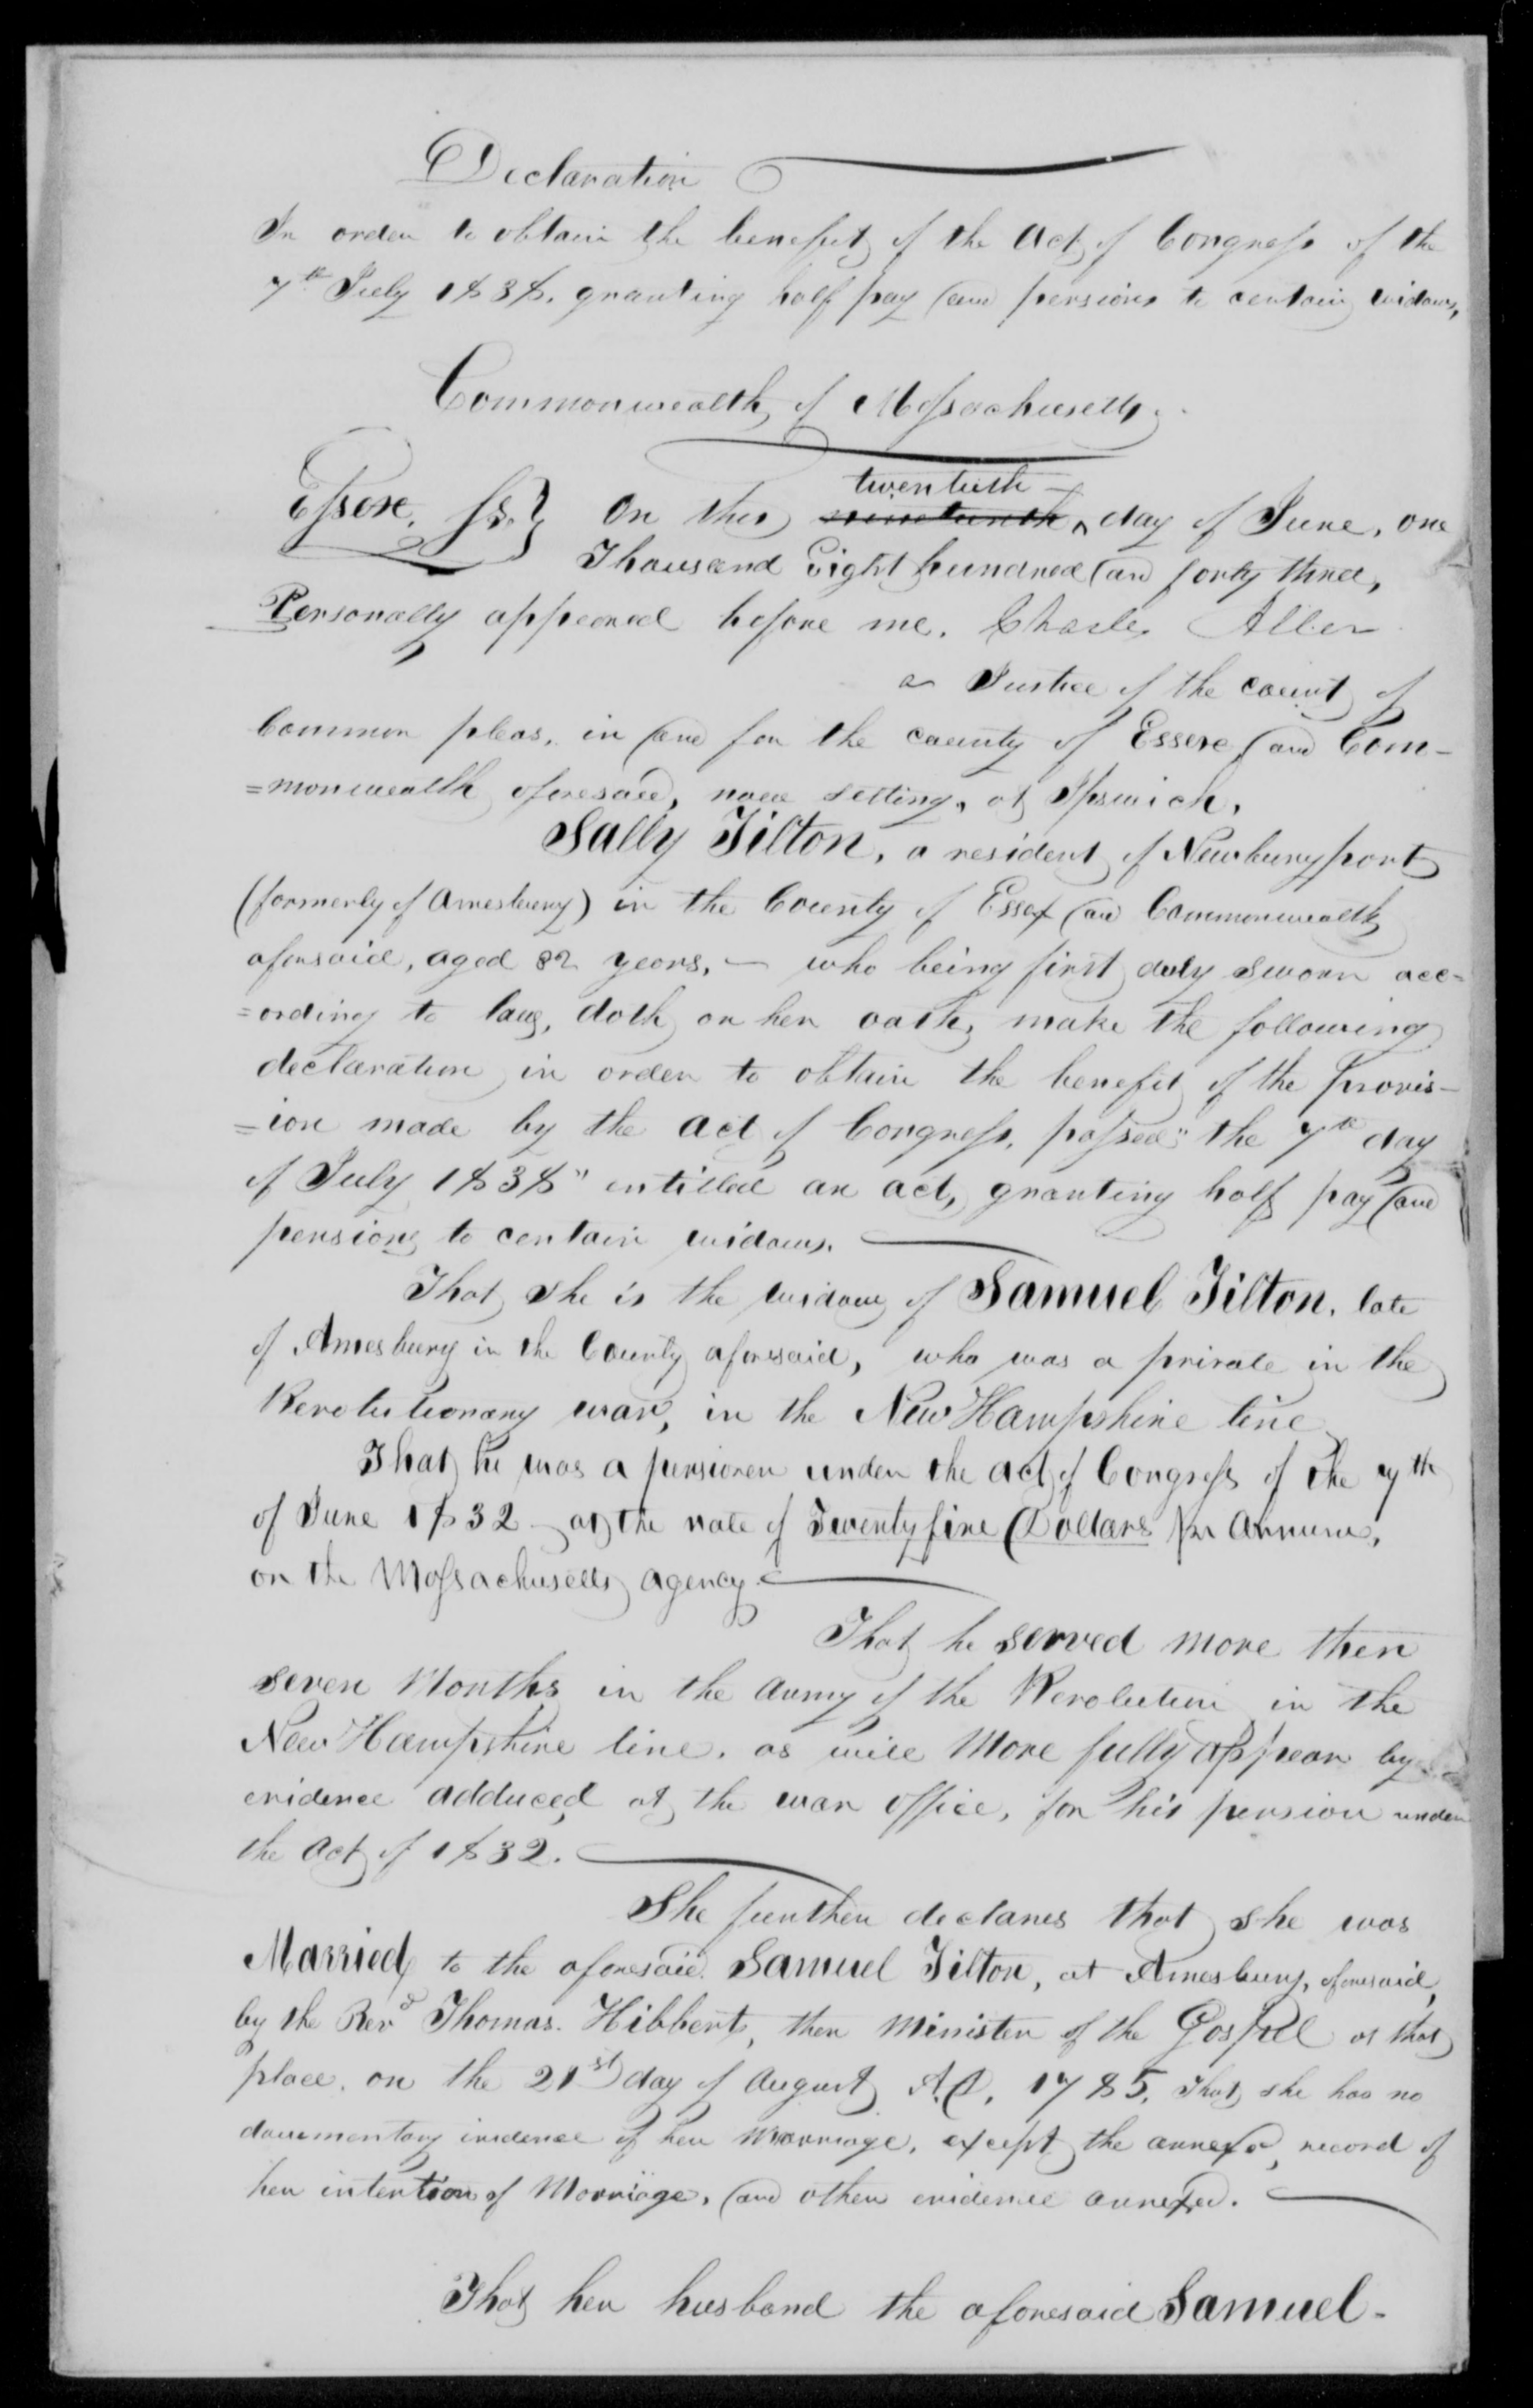Declaration
In order to obtain the benefit of the Act of Congress of the
7th July 1838, granting half pay and pensions to certain widows,

Commonwealth of Massachusetts
Essex ss  On this nineteenth [crossed out] twentieth day of June, one
Thousand Eight hundred and forty three, Personally appeared before me, Charles Allen a Justice of the Court of Common pleas in and for the County of Essex and Commonwealth aforesaid now sitting at Ipswich, Sally Tilton, a resident of Newburyport (formerly of Amesbury) in the County of Essex and Commonwealth aforesaid, aged 82 years, who being first duly sworn according to law, doth on her oath, make the following declaration in order to obtain the benefit of the provision made by the act of Congress, passed "the 7th day of July 1838" entitled an act granting half pay and pensions to certain widows.-
That she is the widow of Samuel Tilton, late of Amesbury in the County aforesaid, who was a private in the Revolutionary war in the New Hampshire line
That he was a pensioner under the act of Congress of the 7th
of June 1832 at the rate of Seventy five Dollars per annum,
on the Massachusetts agency--
That he served more then seven months in the army of the Revolution in the New Hampshire line, as will more fully appear by
evidence adduced at the war office, for his pension under the
act of 1832.-
She further declares that she was Married to the aforesaid Samuel Tilton, at Amesbury, aforesaid by the Revd Thomas Hibbert, then minister of the Gospel of that place on the 21st day of August A.D. 1785, That she has no documentary evidence of her marriage, except the annexed record of her intention of Marriage, and other evidence annexed.
That her husband the aforesaid Samuel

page: 10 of 55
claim: widow's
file: W. 14,021, for Samuel Tilton, New Hampshire